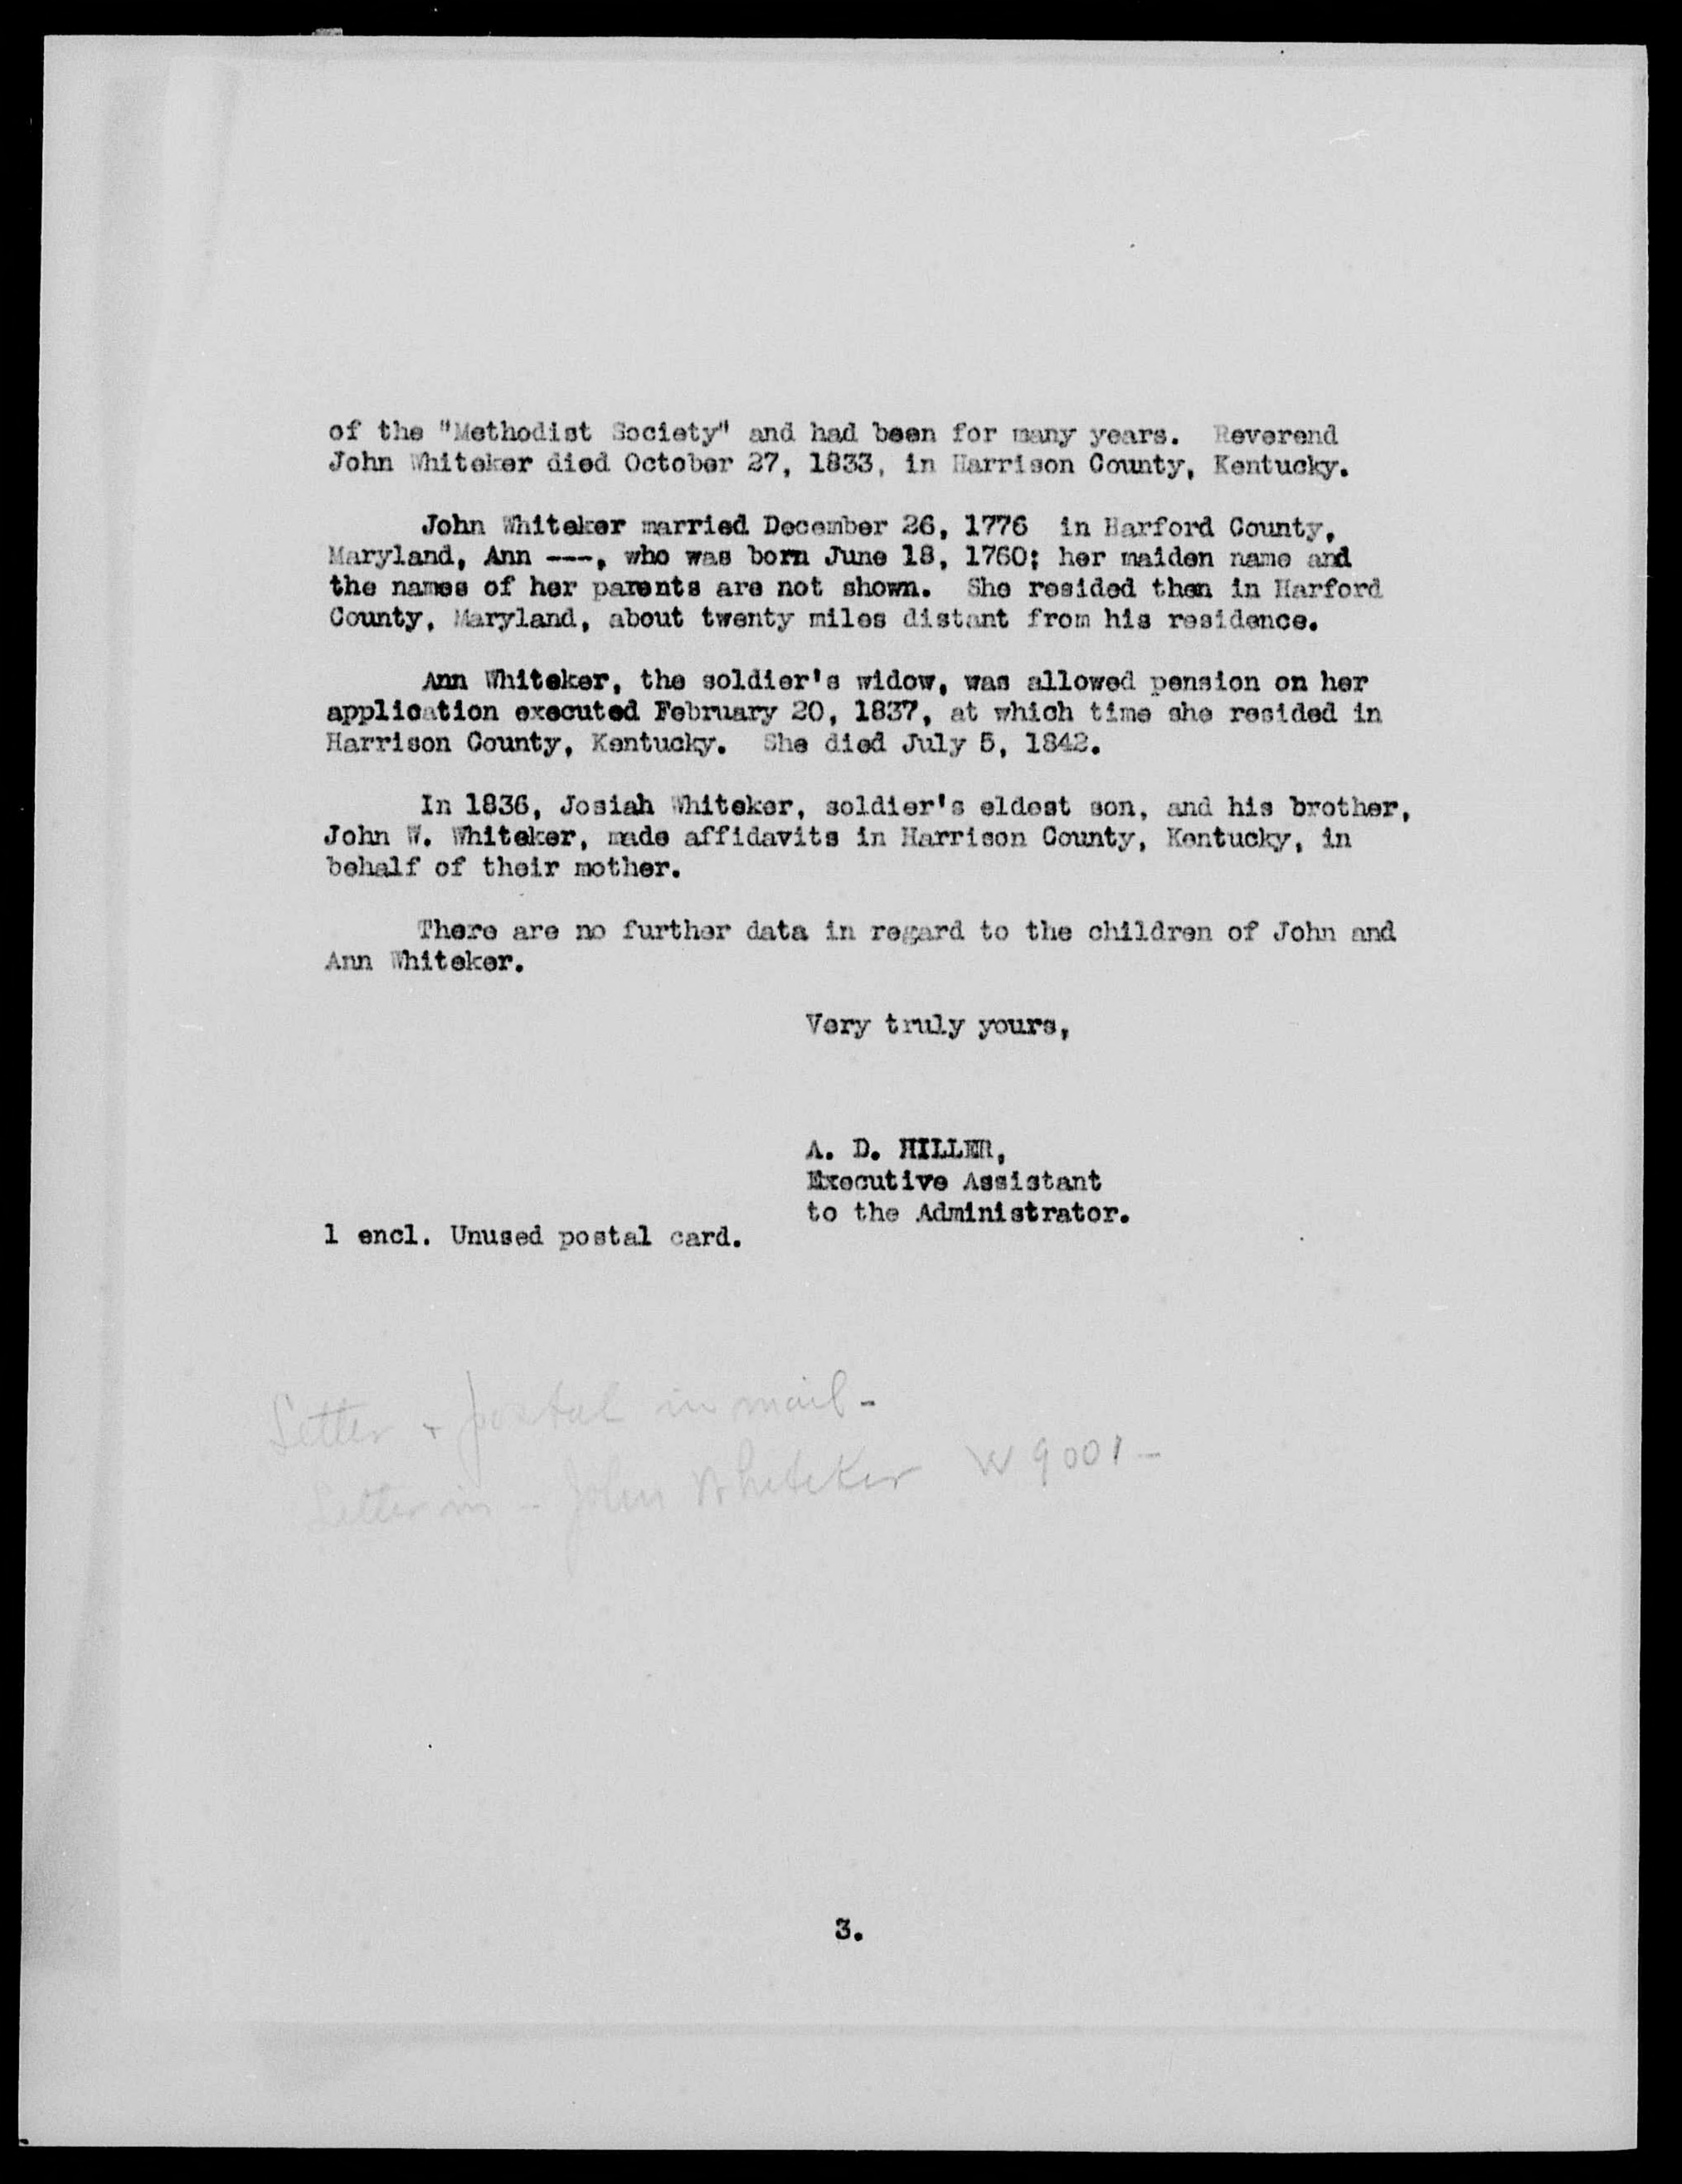of the "Methodist Society" and had been for many years. Reverend John Whitaker died October 27, 1833, in Harrison County, Kentucky.

John Whitaker married December 26, 1776 in Harford County, Maryland, Ann —, who was born June 18, 1760; her maiden name and the names of her parents are not shown. She resided then in Harford County, Maryland, about twenty miles distant from his residence.

Ann Whitaker, the soldier’s widow, was allowed pension on her application executed February 20, 1837, at which time she resided in Harrison County, Kentucky. She died July 5, 1842.

In 1836, Josiah Whitaker, soldier’s eldest son, and his brother, John W. Whitaker, made affidavits in Harrison County, Kentucky, in behalf of their mother.

There are no further data in regard to the children of John and Ann Whitaker.

Very truly yours,
A. D. HILLER,
Executive Assistant
to the Administrator.

1 encl. Unused postal card.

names: Josiah Whiteker; John Whiteker; John W Whiteker; Ann Whiteker; A D Hiller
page: 37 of 45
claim: survivor's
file: S. 31294, for Matthew Patton, Maryland